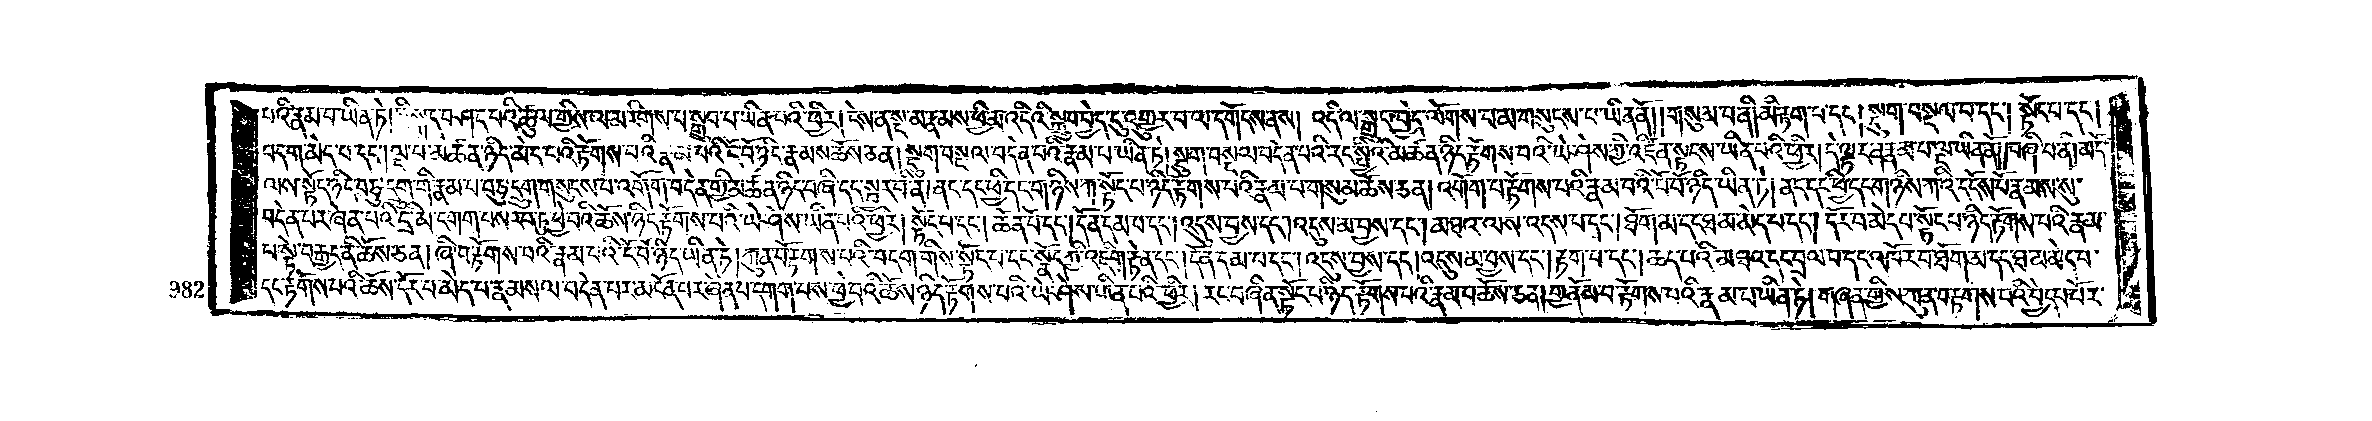པའི་རྣམ་པ་ཡིན་ཏེ། ཇི་སྐད་བཤད་པའི་ཚུལ་གྱིས་ལམ་རིགས་པ་སྒྲུབ་པ་ཡིན་པའི་ཕྱིར། དེས་ན་སྔ་མ་རྣམས་ཕྱི་མ་འདིའི་སྒྲུབ་བྱེད་དུ་འགྱུར་བ་ལ་དགོངས་ནས། འདི་ལ་སྒྲུབ་བྱེད་ལོགས་པ་མ་གསུངས་པ་ཡིན་ནོ། །གསུམ་པ་ནི། མི་རྟག་པ་དང་། སྡུག་བསྔལ་བ་དང་། སྟོང་པ་དང་།
བདག་མེད་པ་དང་། ལྔ་པ་མཚན་ཉིད་མེད་པའི་རྟོགས་པའི་རྣམ་པའི་ངོ་བོ་ཉིད་རྣམས་ཆོས་ཅན། སྡུག་བསྔལ་བདེན་པའི་རྣམ་པ་ཡིན་ཏེ། སྡུག་བསྔལ་བདེན་པའི་རང་སྤྱིའི་མཚན་ཉིད་རྟོགས་པའི་ཡེ་ཤེས་ཀྱི་འཛིན་སྟངས་ཡིན་པའི་ཕྱིར། དེ་ལྟར་ན་རྣམ་པ་ལྔ་ཡིན་ནོ། །བཞི་པ་ནི། མདོ་
ལས་སྟོང་ཉིད་བཅུ་དྲུག་གི་རྣམ་པ་བཅུ་དྲུག་གསུངས་པ་འགོག་བདེན་གྱི་མཚན་ཉིད་བཞི་དང་སྦྱར་བ་ནི། ནང་དང་ཕྱི་དང་གཉིས་ཀ་སྟོང་པ་ཉིད་རྟོགས་པའི་རྣམ་པ་གསུམ་ཆོས་ཅན། འགོག་པ་རྟོགས་པའི་རྣམ་པའི་ངོ་བོ་ཉིད་ཡིན་ཏེ། ནང་དང་ཕྱི་དང་གཉིས་ཀའི་དངོས་པོ་རྣམས་སུ་
བདེན་པར་ཞེན་པའི་དྲི་མ་དགག་པས་རབ་ཏུ་ཕྱེ་བའི་ཆོས་ཉིད་རྟོགས་པའི་ཡེ་ཤེས་ཡིན་པའི་ཕྱིར། སྟོང་པ་དང་། ཆེན་པོ་དང་། དོན་དམ་པ་དང་། འདུས་བྱས་དང་། འདུས་མ་བྱས་དང་། མཐའ་ལས་འདས་པ་དང་། ཐོག་མ་དང་ཐ་མ་མེད་པ་དང་། དོར་བ་མེད་པ་སྟོང་པ་ཉིད་རྟོགས་པའི་རྣམ་
པ་སྟེ་བརྒྱད་ནི་ཆོས་ཅན། ཞི་བ་རྟོགས་པའི་རྣམ་པའི་ངོ་བོ་ཉིད་ཡིན་ཏེ། ཀུན་པོ་རྟགས་པའི་བདག་གིས་སྟོང་པ་དང་སྣོད་ཀྱི་འཇིག་རྟེན་དང་། དོན་དམ་པ་དང་། འདུས་བྱས་དང་། འདུས་མ་བྱས་དང་། རྟག་པ་དང་། ཆད་པའི་མཐའ་དང་བྲལ་བ་དང་འཁོར་བ་ཐོག་མ་དང་ཐ་མ་མེད་པ་
དང་རྟོགས་པའི་ཆོས་དོར་པ་མེད་པ་རྣམས་ལ་བདེན་པར་མངོན་པར་ཞེན་པ་དགག་པས་ཕྱེ་བའི་ཆོས་ཉིད་རྟོགས་པའི་ཡེ་ཤེས་ཡིན་པའི་ཕྱིར། རང་བཞིན་སྟོང་པ་ཉིད་རྟོགས་པའི་རྣམ་པ་ཆོས་ཅན། གྱ་ནོམ་པ་རྟོགས་པའི་རྣམ་པ་ཡིན་ཏེ། གཞན་གྱིས་ཀུན་བརྟགས་པའི་བྱེད་པ་པོར་